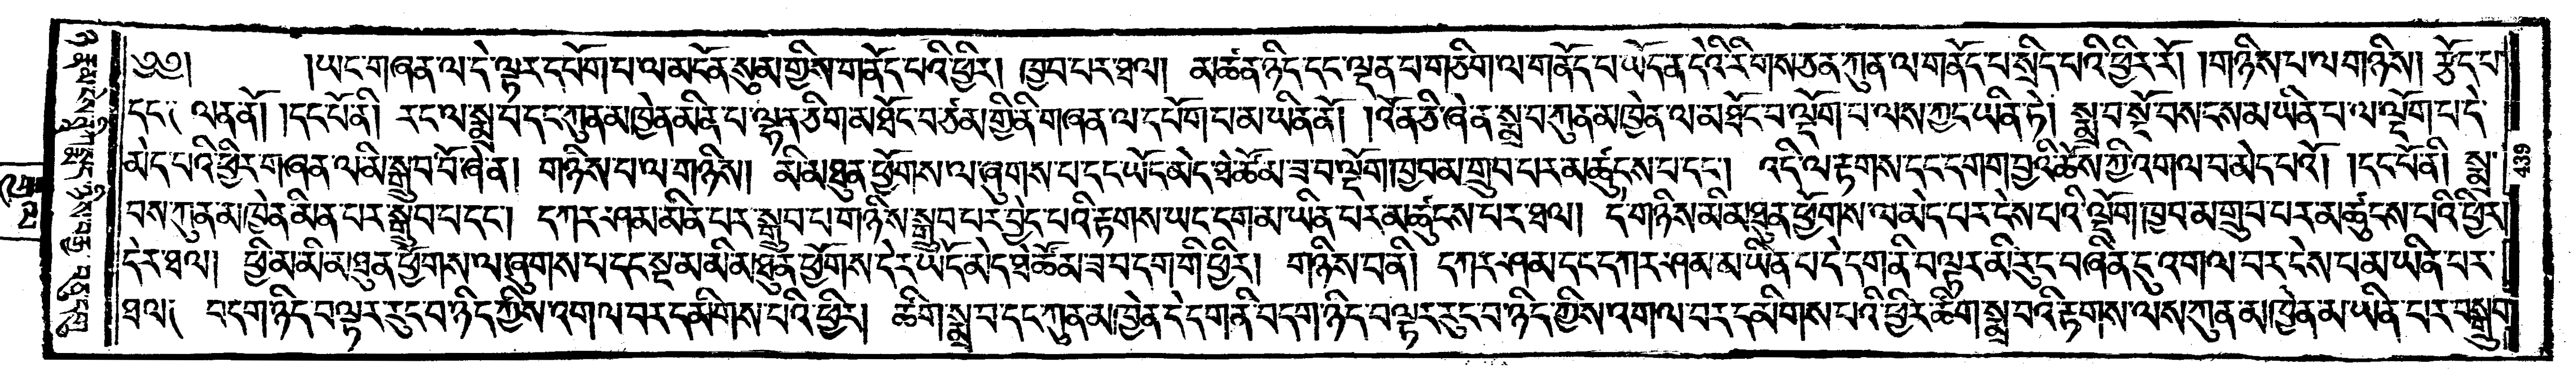༄༅། །ཡང་གཞན་ལ་དེ་ལྟར་དཔོག་པ་ལ་མངོན་སུམ་གྱིས་གནོད་པའི་ཕྱིར། ཁྱབ་པར་ཐལ། མཚན་ཉིད་དང་ལྡན་པ་གཅིག་ལ་གནོད་པ་ཡོད་ན་དེའི་རིགས་ཅན་ཀུན་ལ་གནོད་པ་སྲིད་པའི་ཕྱིར་རོ། །གཉིས་པ་ལ་གཉིས། རྩོད་པ་
དང༑ ལན་ནོ། །དང་པོ་ནི། རང་ལ་སྨྲ་བ་དང་ཀུན་མཁྱེན་མིན་པ་ལྷན་ཅིག་མཐོང་བ་ཙམ་གྱི་ནི་གཞན་ལ་དཔོག་པ་མ་ཡིན་ནོ། །འོ་ན་ཅི་ཞེ་ན་སྨྲ་བ་ཀུན་མཁྱེན་ལ་མཐོང་བ་ལྡོག་པ་ལས་ཀྱང་ཡིན་ཏེ། སྨྲ་བ་སྔོ་བསངས་མ་ཡིན་པ་ལ་ལྡོག་པ་དེ་
མེད་པའི་ཕྱིར་གཞན་ལ་མི་སྒྲུབ་བོ་ཞེ་ན། གཉིས་པ་ལ་གཉིས། མི་མཐུན་ཕྱོགས་ལ་ཞུགས་པ་དང་ཡོད་མེད་ཐེ་ཚོམ་ཟ་བ་ལྡོག་ཁྱབ་མ་གྲུབ་པར་མཚུངས་པ་དང་། འདི་ལ་རྟགས་དང་དགག་བྱའི་ཆོས་ཀྱི་འགལ་བ་མེད་པའོ། །དང་པོ་ནི། སྨྲ་
བས་ཀུན་མཁྱེན་མིན་པར་སྒྲུབ་པ་དང་། དཀར་ཤམ་མིན་པར་སྒྲུབ་པ་གཉིས་སྒྲུབ་པར་བྱེད་པའི་རྟགས་ཡང་དག་མ་ཡིན་པར་མཚུངས་པར་ཐལ། དེ་གཉིས་མི་མཐུན་ཕྱོགས་ལ་མེད་པར་ངེས་པའི་ལྡོག་ཁྱབ་མ་གྲུབ་པར་མཚུངས་པའི་ཕྱིར་
དེར་ཐལ། ཕྱི་མ་མི་མཐུན་ཕྱོགས་ལ་ཞུགས་པ་དང་སྔ་མ་མི་མཐུན་ཕྱོགས་དེར་ཡོད་མེད་ཐེ་ཚོམ་ཟ་བ་དག་གི་ཕྱིར། གཉིས་པ་ནི། དཀར་ཤམ་དང་དཀར་ཤམ་མ་ཡིན་པ་དེ་དག་ནི་བལྟར་མི་རུང་བཞིན་དུ་འགལ་བར་ངེས་པ་མ་ཡིན་པར་
ཐལ༑ བདག་ཉིད་བལྟར་རུང་བ་ཉིད་ཀྱིས་འགལ་བར་དམིགས་པའི་ཕྱིར། ཚིག་སྨྲ་བ་དང་ཀུན་མཁྱེན་དེ་དག་ནི་བདག་ཉིད་བལྟར་རུང་བ་ཉིད་གྱིས་འགལ་བར་དམིགས་པའི་ཕྱིར་ཚིག་སྨྲ་བའི་རྟགས་ལས་ཀུན་མཁྱེན་མ་ཡིན་པར་བསྒྲུབ་